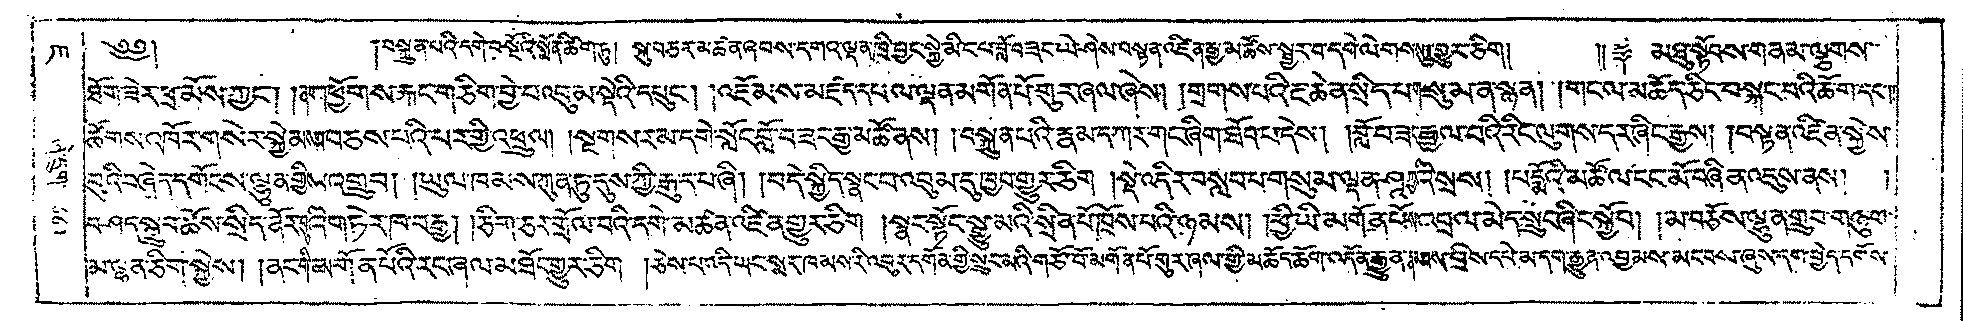༄༅། །བསྐྲུན་པའི་དགེ་བསྔོའི་སྨོན་ཚིག་ཏུ། སྐུ་བཅར་མཚན་ཞབས་དགའ་ལྡན་ཁྲི་བྱང་སྐྱེ་མིང་པ་བློ་བཟང་ཡེ་ཤེས་བསྟན་འཛིན་རྒྱ་མཚོས་སྦྱར་བ་དགེ་ལེགས་སུ་གྱུར་ཅིག ། །། ༈ མཐུ་སྟོབས་གནམ་ལྕགས་
ཐོག་ཟེར་ཕྲ་མོས་ཀྱང་། །ནག་ཕྱོགས་རྐང་གཅིག་བྱེ་བ་འབུམ་སྡེའི་དཔུང་། །འཇོམས་མཛད་དཔལ་ལྡན་མགོན་པོ་གུར་ཞལ་ཞེས། །གྲགས་པའི་རྔ་ཆེན་སྲིད་པ་གསུམ་ན་སྙན། །གང་ལ་མཆོད་ཅིང་བསྐང་བའི་ཆོ་ག་དང།།
ཚོགས་འཁོར་གསེར་སྐྱེམས་བཅས་པའི་པར་གྱི་འཕྲུལ། །སྔགས་རམ་དགེ་སློང་བློ་བཟང་རྒྱ་མཚོ་ནས། །བསྐྲུན་པའི་རྣམ་དཀར་གང་ཞིག་ཐོབ་པ་དེས། །བློ་བཟང་རྒྱལ་བའི་རིང་ལུགས་དར་ཞིང་རྒྱས། །བསྟན་འཛིན་སྐྱེས་
བུའི་བཞེད་དགོངས་ལྷུན་གྱིས་འགྲུབ། །ཡུལ་ཁམས་ཀུན་ཏུ་དུས་ཀྱི་རྒུད་པ་ཞི། །བདེ་སྐྱིད་སྣང་བ་འབུམ་དུ་ཁྱབ་གྱུར་ཅིག །སྡེ་འདིར་བསླབ་པ་གསུམ་ལྡན་ཤཱཀྱའི་སྲས། །པདམོའི་མཚོ་ལ་ངང་མོ་བཞིན་འདུས་ནས། །
བཤད་སྒྲུབ་ཆོས་སྲིད་ནོར་བུའི་གཏེར་ཁ་བརྒྱ། །ཅིག་ཅར་གྲོལ་བའི་དགེ་མཚན་འཛིན་གྱུར་ཅིག །སྣང་སྟོང་སྒྱུ་མའི་སྲིན་པོ་ཁྲོས་པའི་ཉམས། །ཕྱི་ཡི་མགོན་པོས་འབྲལ་མེད་སྲུང་ཞིང་སྐྱོབ། །མ་བཅོས་ལྷུན་གྲུབ་གཉུག་
མ་ལྷན་ཅིག་སྐྱེས། །ནང་གི་མགོན་པོའི་རང་ཞལ་མཐོང་གྱུར་ཅིག །ཅེས་པ་འདི་ཡང་སྨར་ཁམས་རི་འབུར་དགོན་གྱི་སྲུང་མའི་གཙོ་བོ་མགོན་པོ་གུར་ཞལ་གྱི་མཆོད་ཆོག་འདོན་རྒྱུན་རྣམས་བྲིས་དཔེ་མ་དག་རྒྱུན་འབྱམས་མང་བས་ཞུས་དག་བྱེད་དགོས་